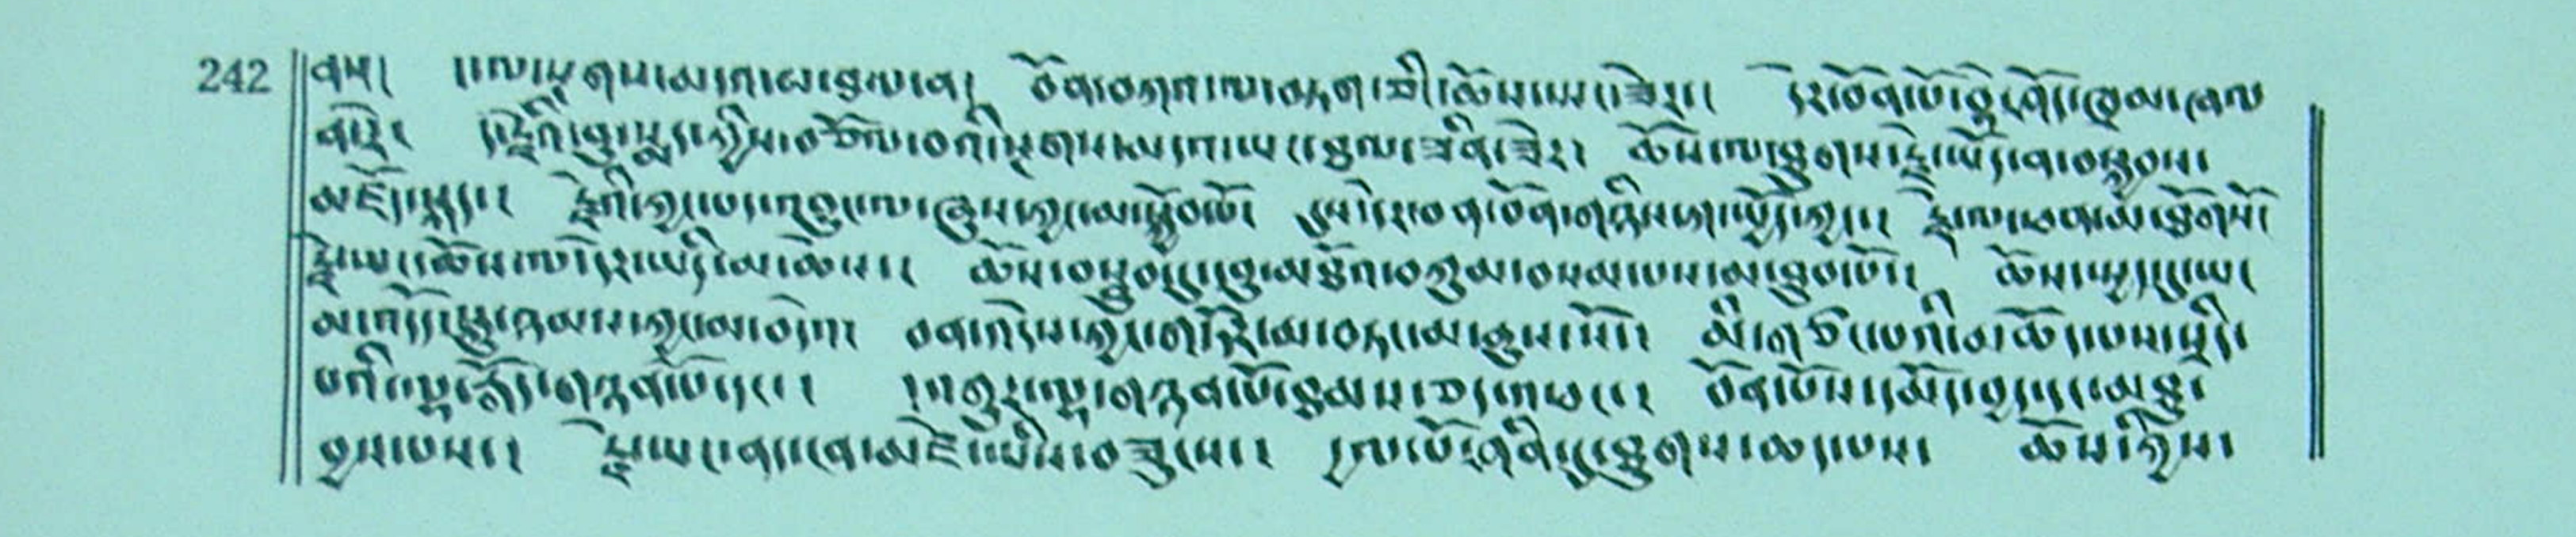ནས། ང་ལ་སྔགས་མདའ་མ་ཐལ་ན། བོན་བཀའ་ལ་བཏག་ཅིང་ཆོས་སྤང་ཟེར། དེར་བོན་པོ་བྷེ་ཤོད་ཁྲམ་ཞལ་
ན་རེ། དེ་རྗེའི་བུ་སྨད་ཀྱིས་བཅོལ་བའི་སྔགས་མདའ་ཡང་ཐལ་ཟིན་ཟེར། ཆོས་ལ་ཐུགས་རྗེ་ཡོད་ན་བསྐྱབས་
མཛོད་སྐད། རྗེའི་ཀྱང་པད་འབྱུང་ལ་ཞུས་ཀྱང་མ་སྐྱོབ་པོ། །དུས་དེར་བན་བོན་གཉིས་ཀ་སྤྱོད་ཀྱང་། རྗེ་ལ་ཕན་མ་ཐོགས་སོ། 
།རྗེ་ཡང་ཆོས་ལ་དེར་ཡིད་མ་ཆེས། ཆོས་བསྣུབ་ཏུ་དབུ་མཐོའ་བཀུམ་བསམ་པས་མ་ཐུབ་བོ། །ཆོས་སྤྱད་དུ་ཡང་
མ་འདོད་སྐུ་ཉམས་ཀྱང་མ་བདེ། བན་འདེས་ཀྱང་གཏོར་མ་གཏང་མ་ནུས་སོ། མི་གཙང་བའི་མཆོད་
པས་ལྷ་རྒོད་གཉན་པོ་དང་། མགུར་ལྷ་གཉན་པོ་ཐམས་ཅད་འཕངས། བོན་པོས་དམོད་བྱེད་དང་མཐུ་
བྱས་པས། རྗེ་ཡང་ནད་ངན་མཛེ་ཡིས་བཟུངས། རྒྱལ་པོ་ཤིན་ཏུ་ཐུགས་ཆད་པས། ཆོས་ཀྱིས་